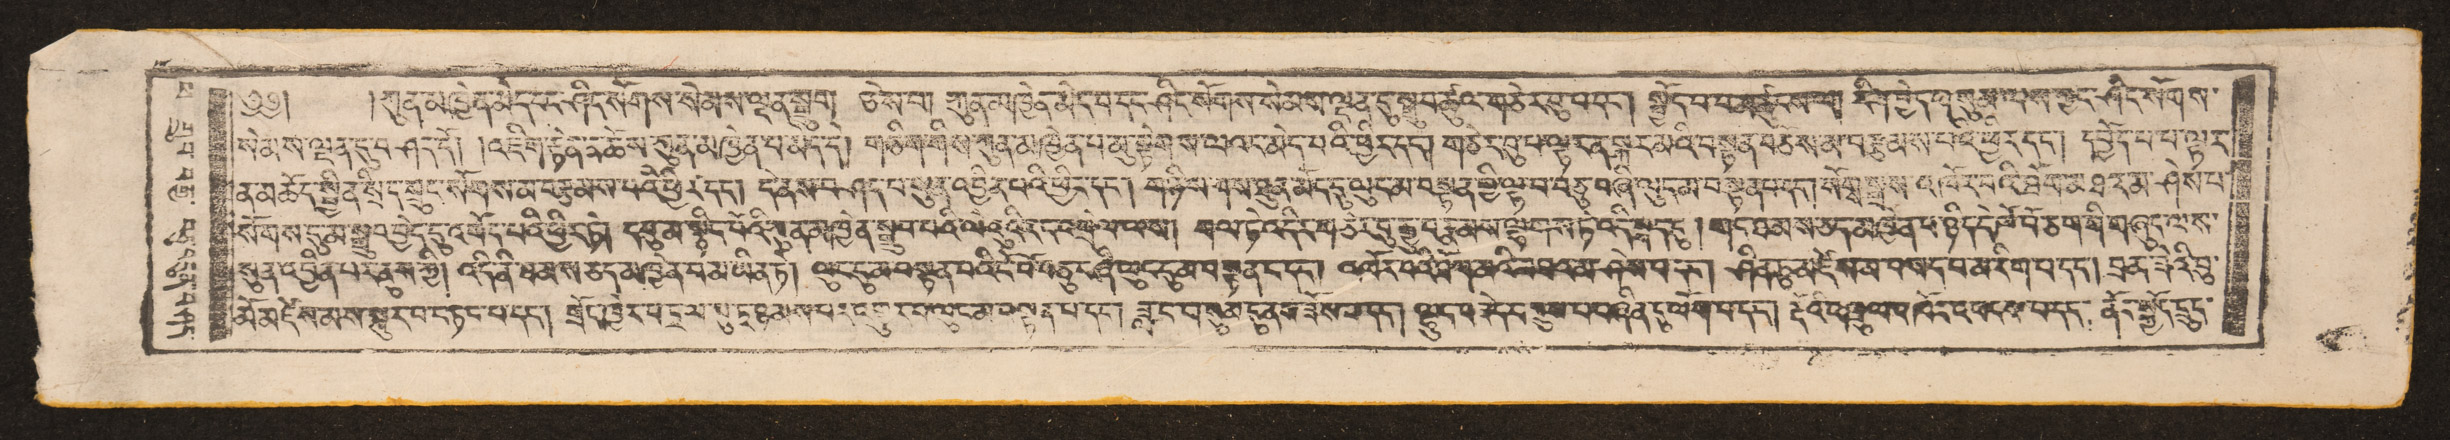༄༅། །ཀུན་མཁྱེན་མེད་དང་ཤིང་སོགས་སེམས་ལྡན་སྒྲུབ། ཅེས་པ། ཀུན་མཁྱེན་མེད་བ་དང་ཤིང་སོགས་སེམས་ལྡན་དུ་སྒྲུབ་ཚུལ་གཅེར་བུ་བ་དང་། སྤྱོད་པ་པ་མཚུངས་ལ། རིག་བྱེད་གསུམ་ལས་ཀྱང་ཤིང་སོགས་
སེམས་ལྡན་དུ་བཤད་དོ། །འཇིག་རྟེན་ན་ཆོས་ཀུན་མཁྱེན་པ་མེད་དེ། གཅིག་གིས་ཀུན་མཁྱེན་པ་མུ་སྟེགས་ལའང་མེད་པའི་ཕྱིར་དང་། གཅེར་བུ་པ་ལྟར་ན་སྐར་མའི་བསྟན་བཅོས་མ་བརྩམས་པའི་ཕྱིར་དང་། དཔྱོད་པ་པ་ལྟར་
ན་མཆོད་སྦྱིན་སྲིད་སྲུང་སོགས་མ་བརྩམས་པའི་ཕྱིར་དང་། དེ་ནས་བཤད་པ་སུན་འབྱིན་པའི་ཕྱིར་དང་། གཉིས་ཀས་ཐུན་མོང་དུ་ལུང་མ་བསྟན་གྱི་ལྟ་བ་བཅུ་བཞི་ལུང་མ་བསྟན་པ་དང་། སོགས་སྒྲས་འཁོར་བའི་ཐོག་མཐའ་མ་ཤེས་པ་
སོགས་དུ་མ་སྒྲུབ་བྱེད་དུ་འགོད་པའི་ཕྱིར་ཏེ། དབུ་མ་སྙིང་པོའི་ཀུན་མཁྱེན་སྒྲུབ་པའི་ལེའུའི་རང་འགྲེལ་ལས། གལ་ཏེ་འདིར་གཅེར་བུ་རྒྱུ་བ་རྣམས་ལྷགས་ཏེ་འདི་སྐད་དུ། གང་ཐམས་ཅད་མཁྱེན་པ་ཉིད་དེ་ཁོ་བོ་ཅག་གི་གཞུང་ལས་
སུན་འབྱིན་པར་ནུས་ཀྱི། འདི་ནི་ཐམས་ཅད་མཁྱེན་པ་མ་ཡིན་ཏེ། ལུང་དུ་མ་བསྟན་པའི་ངོ་བོ་བཅུ་བཞི་ལུང་དུ་མ་བསྟན་པ་དང་། འཁོར་བའི་ཐོག་མའི་མཐའ་མ་ཤེས་པ་དང་། ཤིན་ཏུ་མཛེས་མ་བསད་པ་མ་རིག་པ་དང་། བྲམ་ཟེའི་བུ་
མོ་མཛེས་མས་སྐུར་བ་བཏབ་པ་དང་། གྲོང་ཁྱེར་པ་ཏྲ་ལ་བུ་ཏྲ་ཉམས་པར་འགྱུར་བ་ལུང་མ་བསྟན་པ་དང་། ཟླ་བ་གསུམ་དུ་ནས་ཟོས་པ་དང་། ལྷུང་བཟེད་བཀྲུས་པ་བཞིན་དུ་ལོག་པ་དང་། རྡོའི་འཁྲུལ་འཁོར་འཕངས་པ་དང་། ནོར་སྐྱོད་དྲུད་